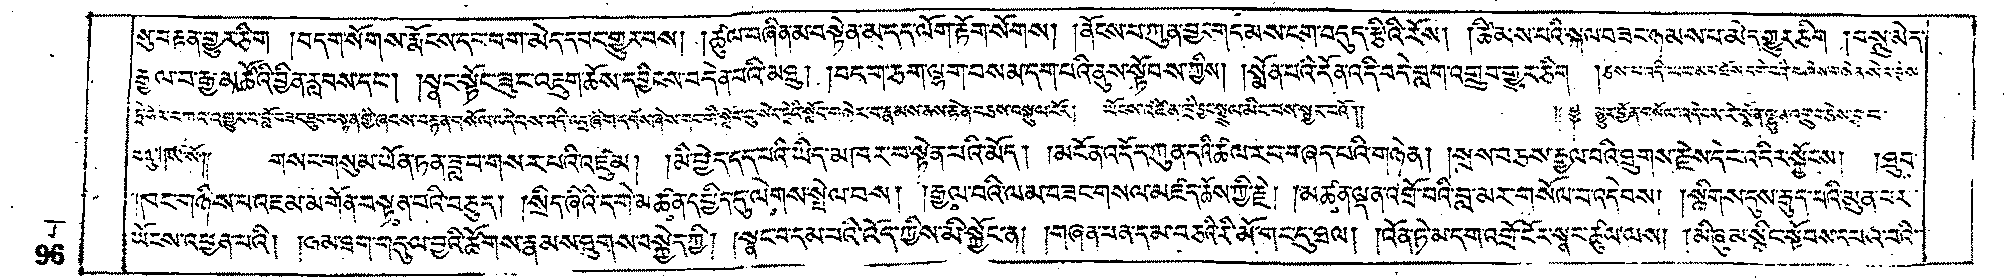སུ་བརྟན་གྱུར་ཅིག །བདག་སོགས་རྨོངས་དང་བག་མེད་དབང་གྱུར་བས། །ཚུལ་བཞིན་མ་བསྟེན་མ་དད་ལོག་རྟོག་སོགས། །ནོངས་པ་ཀུན་བྱང་གདམས་ངག་བདུད་རྩིའི་རོས། །ཚིམས་པའི་སྐལ་བཟང་ཉམས་པ་མེད་གྱུར་ཅིག །བསླུ་མེད་
རྒྱལ་བ་རྒྱ་མཚོའི་བྱིན་རླབས་དང་། །སྣང་སྟོང་ཟུང་འཇུག་ཆོས་དབྱིངས་བདེན་པའི་མཐུ། །བདག་ཅག་ལྷག་བསམ་དག་པའི་ནུས་སྟོབས་ཀྱིས། །སྨོན་པའི་དོན་འདི་བདེ་བླག་འགྲུབ་གྱུར་ཅིག །ཅེས་པ་འདི་ཡང་མང་ཐོས་དགེ་བའི་བཤེས་གཉེན་སེར་བྱེས་
ཏྲེ་ཧོར་བཀའ་འགྱུར་བ་བློ་བཟང་ཐུབ་བསྟན་གྱི་ཞབས་བརྟན་གསོལ་འདེབས་འདི་འདྲ་ཞིག་དགོས་ཞེས་གང་གི་སློབ་བུ་སེར་ཏྲེའི་སློབ་གཉེར་བ་རྣམས་ནས་རྟེན་བཅས་བསྐུལ་ངོར། ཡོངས་འཛིན་ཁྲི་བྱང་སྤྲུལ་མིང་པས་སྦྱར་བའོ།། །། འ་མྱུར་བྱོན་གསོལ་འདེབས་རེ་སྨོན་ལྷུན་འགྲུབ་ཅེས་བྱ་བ་་་
བཞུགས་སོ།། གསང་གསུམ་ཡོན་ཏན་ཟླ་བ་གསར་པའི་འཛུམ། །མི་ཕྱེད་དད་པའི་ཡིད་མཁར་བསྟེན་པའི་མོད། །མངོན་འདོད་ཀུན་དའི་ཚལ་རབ་བཞད་པའི་གཉེན། །སྲས་བཅས་རྒྱལ་བའི་ཐུགས་རྗེས་དེང་འདིར་སྐྱོངས། །ཐུབ་
དབང་གཉིས་པ་འཇམ་མགོན་བསྟན྾་པའི་བཅུད། །སྲིད་ཞིའི་དགེ་མཚན྾་དཔྱིད་དུ་ལེགས྾་སྤེལ་བས། །རྒྱལ྾་བའི་ལམ་བཟང་གསལ་མཛད་ཆོས་ཀྱི་རྗེ། །མཚན྾་ལྡན་འགྲོ་བའི་བླ་མར་གསོལ་བ་འདེབས། །སྙིགས་དུས་རྒུད་པའི་མུན་པར་་་
ཡོངས་འཕྱན་པའི། །ཉམ་ཐག་གདུལ་བྱའི་ཚོགས་རྣམས་ཐུགས་བསྐྱེད་ཀྱི། །སྣང་བ་དམ་པའི་འོད་ཀྱིས་མི་སྐྱོང་ན། །གཞན་ཕན་དམ་བཅའི་རི་མོ་གང་དུ་ཐལ། །འོན་ཏེ་མ་དག་འགྲོ་ངོར་སྣང་ཚུལ་ལས། །མི་ཞུམ་སྙིང་སྟོབས་དཔའ་བའི་་་